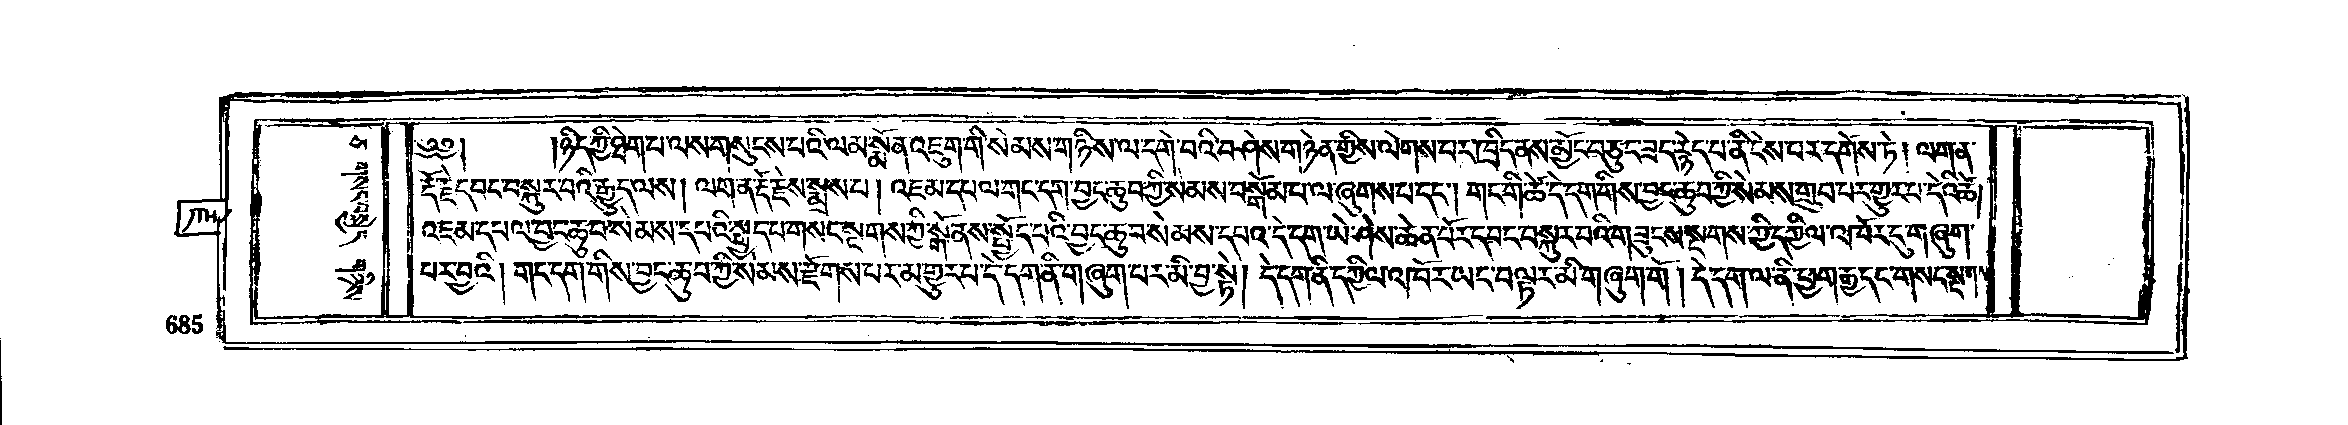༄༅། །ཉིད་ཀྱི་ཐེག་པ་ལས་གསུངས་པའི་ལམ་སྨོན་འཇུག་གི་སེམས་གཉིས་ལ་དགེ་བའི་བཤེས་གཉེན་གྱིས་ལེགས་པར་ཁྲིད་ནས་མྱོང་བ་ཅུང་ཟད་རྙེད་པ་ནི་ངེས་པར་དགོས་ཏེ། ལག་ན་
རྡོ་རྗེ་དབང་བསྐུར་བའི་རྒྱུད་ལས། ལག་ན་རྡོ་རྗེས་སྨྲས་པ། འཇམ་དཔལ་གང་དག་བྱང་ཆུབ་ཀྱི་སེམས་བསྒོམ་པ་ལ་ཞུགས་པ་དང་། གང་གི་ཚེ་དེ་དག་གིས་བྱང་ཆུབ་ཀྱི་སེམས་གྲུབ་པར་གྱུར་པ་དེའི་ཚེ།
འཇམ་དཔལ་བྱང་ཆུབ་སེམས་དཔའི་སྤྱད་པ་གསང་སྔགས་ཀྱི་སྒོ་ནས་སྤྱོད་པའི་བྱང་ཆུབ་སེམས་དཔའ་དེ་དག་ཡེ་ཤེས་ཆེན་པོར་དབང་བསྐུར་བའི་གཟུངས་སྔགས་ཀྱི་དཀྱིལ་འཁོར་དུ་གཞུག་པར་བྱའི། གང་དག་གིས་བྱང་ཆུབ་ཀྱི་སེམས་རྫོགས་པར་མ་གྱུར་པ་དེ་དག་ནི་གཞུག་པར་མི་བྱ་སྟེ། དེ་དག་ནི་དཀྱིལ་འཁོར་ཡང་བལྟར་མི་གཞུག་གོ །དེ་དག་ལ་ནི་ཕྱག་རྒྱ་དང་གསང་སྔགས་